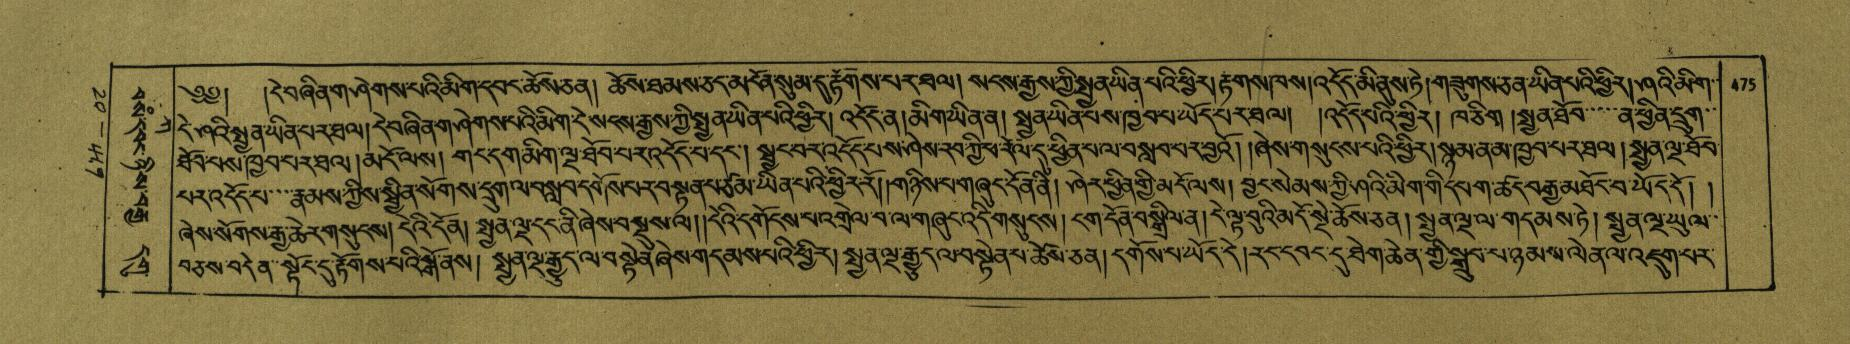༄༅། །དེ་བཞིན་གཤེགས་པའི་མིག་དབང་ཆོས་ཅན། ཆོས་ཐམས་ཅད་མངོན་སུམ་དུ་རྟོགས་པར་ཐལ། སངས་རྒྱས་ཀྱི་སྤྱན་ཡིན་པའི་ཕྱིར། རྟགས་ཁས། འདོད་མི་ནུས་ཏེ། གཟུགས་ཅན་ཡིན་པའི་ཕྱིར། ཤའི་མིག་
དེ་ཤའི་སྤྱན་ཡིན་པར་ཐལ། དེ་བཞིན་གཤེགས་པའི་མིག་དེ་སངས་རྒྱས་ཀྱི་སྤྱན་ཡིན་པའི་ཕྱིར། འདོད་ན། མིག་ཡིན་ན། སྤྱན་ཡིན་པས་ཁྱབ་པ་ཡོད་པར་ཐལ། །འདོད་པའི་ཕྱིར། ཁ་ཅིག །སྤྱན་ཐོབ་ན་ཕྱིན་དྲུག་
ཐོབ་པས་ཁྱབ་པར་ཐལ་།མདོ་ལས། གང་དག་མིག་ལྔ་ཐོབ་པར་འདོད་པ་དང་། སྦྱང་བར་འདོད་པས་ཤེས་རབ་ཀྱི་ཕ་རོལ་དུ་ཕྱིན་པ་ལ་བསླབ་པར་བྱའོ། །ཞེས་གསུངས་པའི་ཕྱིར། སྙམ་ན་མ་ཁྱབ་པར་ཐལ། སྤྱན་ལྔ་ཐོབ་
པར་འདོད་པ་རྣམས་ཀྱིས་སྦྱིན་སོགས་དྲུག་ལ་བསླབ་དགོས་པར་བསྟན་པ་ཙམ་ཡིན་པའི་ཕྱིར་རོ། །གཉིས་པ་གཞུང་དོན་ནི། ཤེར་ཕྱིན་གྱི་མདོ་ལས། བྱང་སེམས་ཀྱི་ཤའི་མིག་གི་དཔག་ཚང་བརྒྱ་མཐོང་བ་ཡོད་དོ། །
ཞེས་སོགས་རྒྱ་ཆེར་གསུངས། དེའི་དོན། སྤྱན་ལྔ་དང་ནི་ཞེས་བསྡུས་ལ། །དེའི་དགོངས་པ་འགྲེལ་བ་ལ་གཞུང་འདི་གསུངས། ངག་དོན་བསྒྲིལ་ན། དེ་ལྟ་བུའི་མདོ་སྡེ་ཆོས་ཅན། སྤྱན་ལྔ་ལ་གདམས་ཏེ། སྤྱན་ལྔ་ཡུལ་
བཅས་བདེན་སྟོང་དུ་རྟོགས་པའི་སྒོ་ནས། སྤྱན་ལྔ་རྒྱུད་ལ་བརྟེན་ཞེས་གདམས་པའི་ཕྱིར། སྤྱན་ལྔ་རྒྱུད་ལ་བསྟེན་པ་ཆོས་ཅན། དགོས་པ་ཡོད་དེ། རང་དབང་དུ་ཐེག་ཆེན་གྱི་སྒྲུབ་པ་ཉམས་ལེན་ལ་འཇུག་པར་